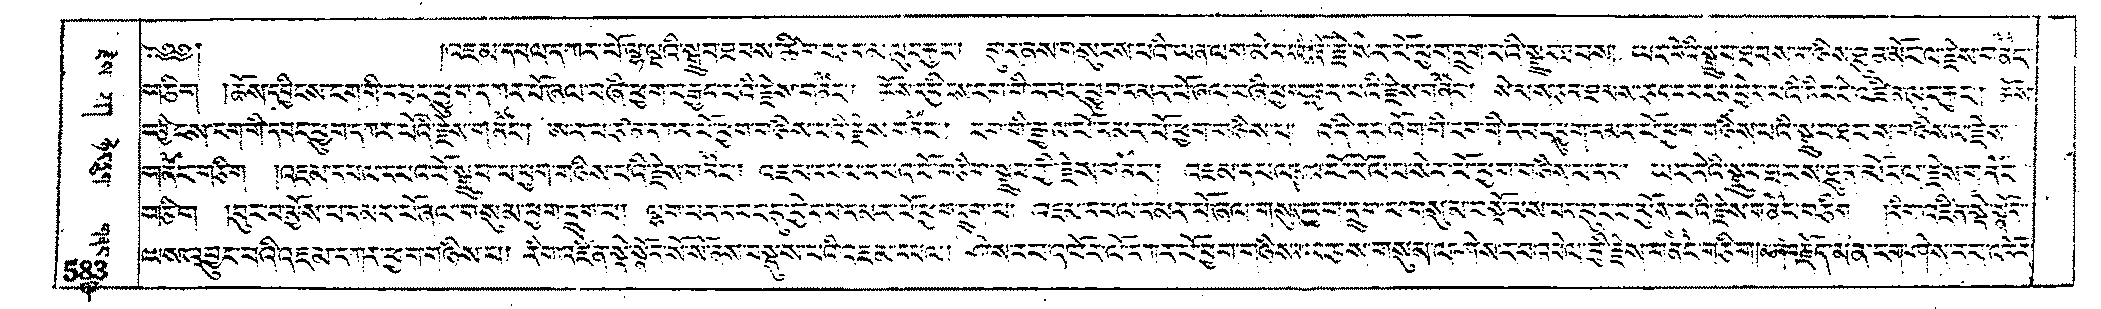༄༅། །འཇམ་དཔལ་དཀར་པོ་ལྷ་ལྔའི་སྒྲུབ་ཐབས་ཚིག་བཅད་མ་ལུང་རྐྱང་། གུར་ནས་གསུངས་པའི་ཡན་ལག་མེད་པའི་རྡོ་རྗེ་སེར་པོ་ཕྱག་དྲུག་པའི་སྒྲུབ་ཐབས། ཡང་དེའི་སྒྲུབ་ཐབས་གཉིས་ཐུན་མོང་ལ་རྗེས་གནང་
གཅིག །ཆོས་དབྱིངས་ངག་གི་དབང་ཕྱུག་དཀར་པོ་ཞལ་བཞི་ཕྱག་བརྒྱད་པའི་རྗེས་གནང་། ཆོས་དབྱིངས་ངག་གི་དབང་ཕྱུག་དམར་པོ་ཞལ་བཞི་ཕྱག་བརྒྱད་པའི་རྗེས་གནང་། སེམས་ཅན་ཐམས་ཅད་དབང་དུ་བྱེད་པའི་ཏིང་ངེ་འཛིན་ལུང་རྐྱང་། ཆོས་
དབྱིངས་ངག་གི་དབང་ཕྱུག་དཀར་པོའི་རྗེས་གནང་། ཨ་ར་པ་ཙ་ན་དཀར་པོ་ཕྱག་གཉིས་པའི་རྗེས་གནང་། ངག་གི་རྒྱལ་པོ་དམར་པོ་ཕྱག་གཉིས་པ། འདི་དང་འོག་གི་ངག་གི་དབང་ཕྱུག་དམར་པོ་ཕྱག་གཉིས་པའི་སྒྲུབ་ཐབས་གཉིས་ལ་རྗེས་
གནང་གཅིག །འཇམ་དཔལ་དཔའ་བོ་སྒྲུབ་པ་ཕྱག་གཉིས་པའི་རྗེས་གནང་། འཇམ་དཔལ་དཔའ་བོ་གཅིག་སྒྲུབ་ཀྱི་རྗེས་གནང་། འཇམ་དཔལ་རྒྱལ་པོ་རོལ་པ་སེར་པོ་ཕྱག་གཉིས་པ་དང་། ཡང་དེའི་སྒྲུབ་ཐབས་ཐུན་མོང་ལ་རྗེས་གནང་
གཅིག །བུང་བ་མྱོས་པ་དམར་པོ་ཞལ་གསུམ་ཕྱག་དྲུག་པ། ལྷག་པར་དབང་དུ་བྱེད་པ་དམར་པོ་ཕྱག་དྲུག་པ། འཇམ་དཔལ་དམར་པོ་ཞལ་གསུམ་ཕྱག་དྲུག་པ་གསུམ་བསྡོམས་པར་བུང་བ་མྱོས་པའི་རྗེས་གནང་གཅིག །རིག་འཛིན་སྡེ་སྣོད་
ལས་འབྱུང་བའི་འཇམ་དཀར་ཕྱག་གཉིས་པ། རིག་འཛིན་སྡེ་སྣོད་སོ་སོ་ནས་བསྡུས་པའི་འཇམ་དཔལ། ཤེས་རབ་འཁོར་ལོ་དཀར་པོ་ཕྱག་གཉིས་པ་བཅས་གསུམ་ལ་ཤེས་རབ་འཕེལ་གྱི་རྗེས་གནང་གཅིག། མཚན་བརྗོད་མན་ངག་ཤེས་རབ་འཁོར་